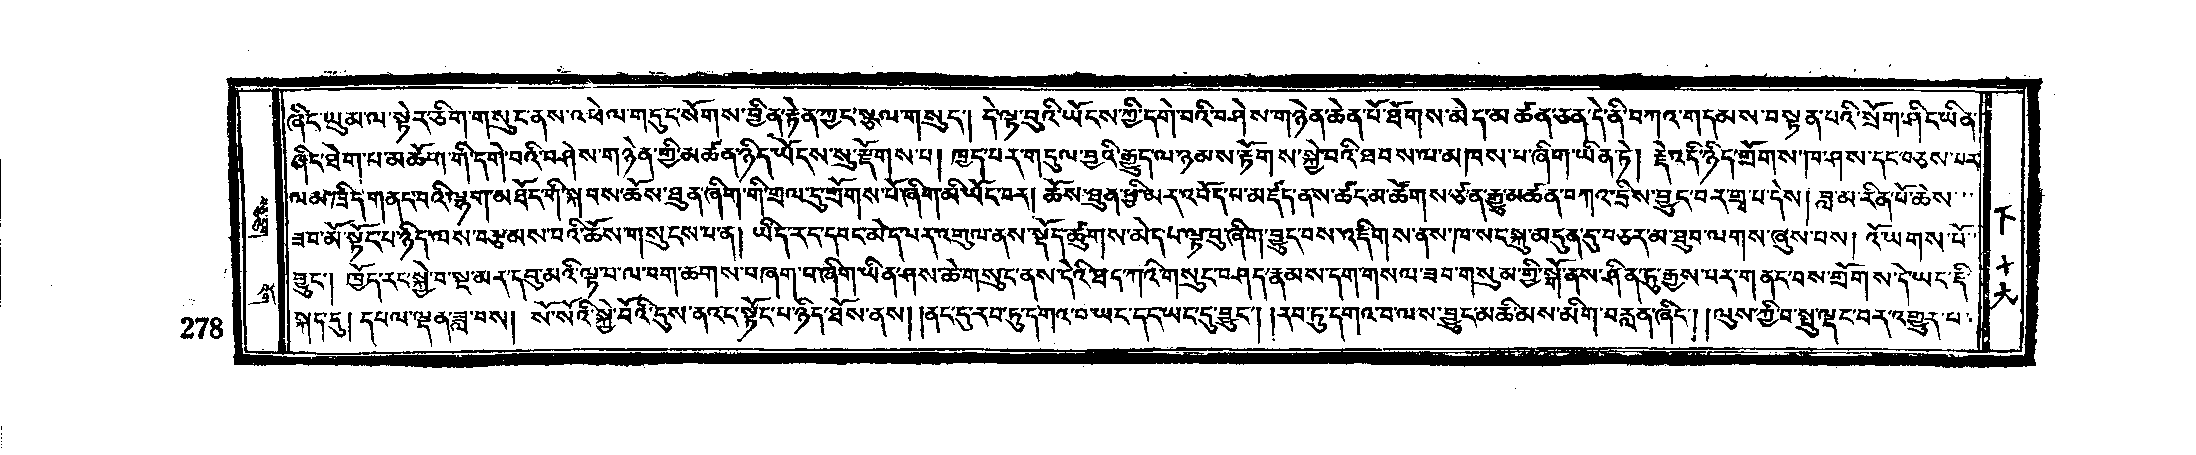ཞིང་ཡུམ་ལ་སྟེར་ཅིག་གསུང་ནས་འཕེལ་གདུང་སོགས་བྱིན་རྟེན་ཀྱང་སྩལ་གསུད?། དེ་ལྟ་བུའི་ཡོངས་ཀྱི་དགེ་བའི་བཤེས་གཉེན་ཆེན་པོ་ཐོགས་མེད་མཚན་ཅན་དེ་ནི་བཀའ་གདམས་བསྟན་པའི་སྲོག་ཤིང་ཡིན་
ཞིང་ཐེག་པ་མཆོག་གི་དགེ་བའི་བཤེས་གཉེན་གྱི་མཚན་ཉིད་ཡོངས་སུ་རྫོགས་པ། ཁྱད་པར་གདུལ་བྱའི་རྒྱུད་ལ་ཉམས་རྟོགས་སྐྱེ་བའི་ཐབས་ལ་མཁས་པ་ཞིག་ཡིན་ཏེ། རྗེ་འདི་ཉིད་གྲོགས་ཁ་ཤས་དང་བཅས་པར་
ལམ་ཁྲིད་གནང་བའི་ལྷག་མཐོང་གི་སྐབས་ཆོས་ཐུན་ཞིག་གི་གྲལ་དུ་གྲོགས་པོ་ཞིག་མི་ཡོང་བར། ཆོས་ཐུན་ཕྱི་མར་འབོད་པ་མཛད་ནས་ཚང་མ་ཚོགས་ཙ་ན་རྒྱུ་མཚན་བཀའ་དྲིས་བྱུང་བར་གྲྭ་པ་དེས། བླ་མ་རིན་པོ་ཆེས་
ཟབ་མོ་སྟོང་པ་ཉིད་ལས་བརྩམས་པའི་ཆོས་གསུངས་པ་ན། ཡིད་རང་དབང་མེད་པར་འགུལ་ནས་སྡོད་ཚུགས་མེད་པ་ལྟ་བུ་ཞིག་བྱུང་བས་འཇིགས་ནས་ཁ་སང་སྐུ་མདུན་དུ་བཅར་མ་ཐུབ་ལགས་ཞུས་པས། འོ་ཡགས་པོ་
བྱུང་། ཁྱོད་རང་སྐྱེ་བ་སྔ་མར་དབུ་མའི་ལྟ་བ་ལ་བག་ཆགས་བཞག་པ་ཞིག་ཡིན་ཤས་ཆེ་གསུང་ནས་དེའི་ཐད་ཀའི་གསུང་བཤད་རྣམས་དག་གསལ་ཟབ་གསུམ་གྱི་སྒོ་ནས་ཤིན་ཏུ་རྒྱས་པར་གནང་བས་གྲོགས་དེ་ཡང་ཇི་
སྐད་དུ། དཔལ་ལྡན་ཟླ་བས། སོ་སོའི་སྐྱེ་བོའི་དུས་ནའང་སྟོང་པ་ཉིད་ཐོས་ནས། །ནང་དུ་རབ་ཏུ་དགའ་བ་ཡང་དང་ཡང་དུ་བྱུང་། །རབ་ཏུ་དགའ་བ་ལས་བྱུང་མཆི་མས་མིག་བརླན་ཞིང་། །ལུས་ཀྱི་བ་སྤུ་ལྡང་བར་འགྱུར་པ་